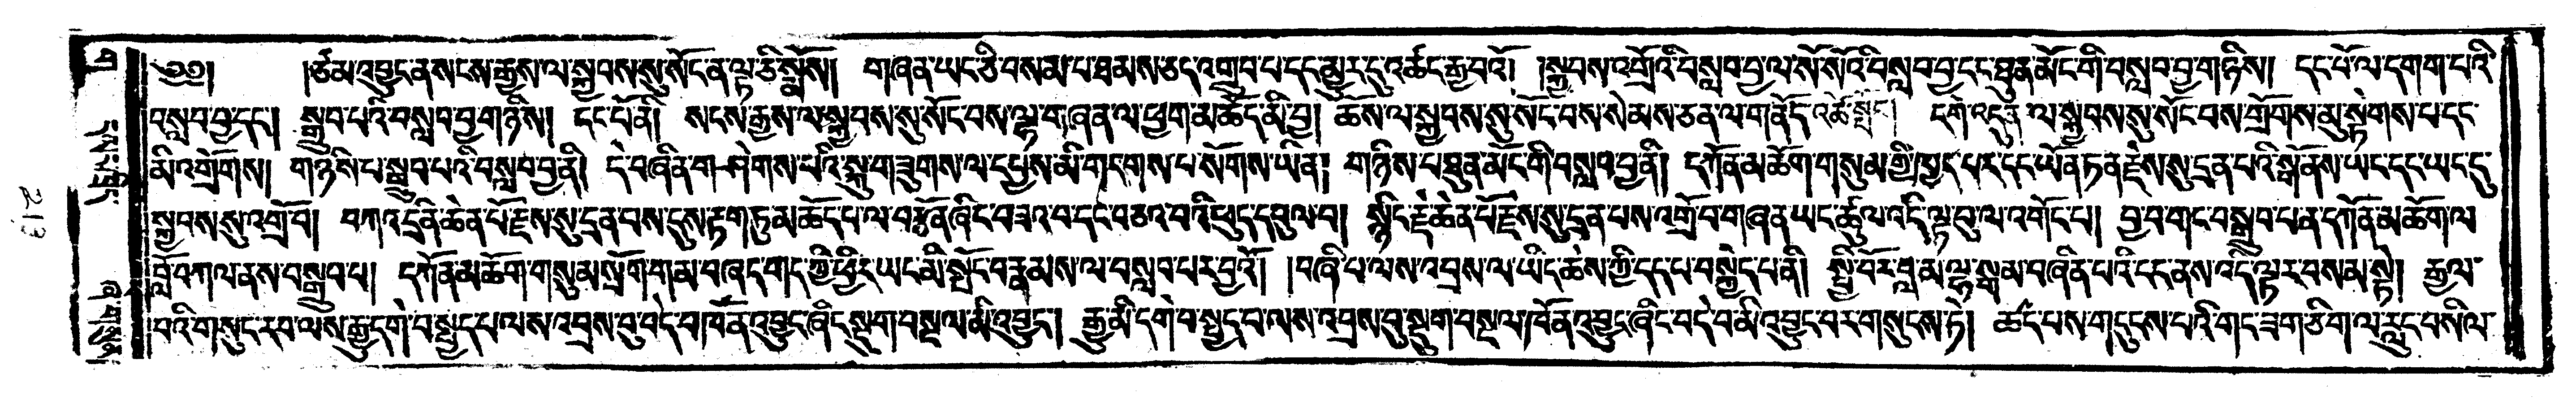༄༅། །ཙམ་འབྱུང་ན་སངས་རྒྱས་ལ་སྐྱབས་སུ་སོང་ན་ལྟ་ཅི་སྨོས། གཞན་ཡང་ཅི་བསམ་པ་ཐམས་ཅད་འགྲུབ་པ་དང་མྱུར་དུ་འཚང་རྒྱ་བའོ། །སྐྱབས་འགྲོའི་བསླབ་བྱ་ལ་སོ་སོའི་བསླབ་བྱ་དང་ཐུན་མོང་གི་བསླབ་བྱ་གཉིས། དང་པོ་ལ་དགག་པའི་
བསླབ་བྱ་དང་། སྒྲུབ་པའི་བསླབ་བྱ་གཉིས། དང་པོ་ནི། སངས་རྒྱས་ལ་སྐྱབས་སུ་སོང་བས་ལྷ་གཞན་ལ་ཕྱག་མཆོད་མི་བྱ། ཆོས་ལ་སྐྱབས་སུ་སོང་བས་སེམས་ཅན་ལ་གནོད་འཚེ་སྤོང་། དགེ་འདུན་ལ་སྐྱབས་སུ་སོང་བས་གྲོགས་མུ་སྟེགས་པ་དང་
མི་འགྲོགས། གཉིས་པ་སྒྲུབ་པའི་བསླབ་བྱ་ནི། དེ་བཞིན་གཤེགས་པའི་སྐུ་གཟུགས་ལ་དཔྱས་མི་གདགས་པ་སོགས་ཡིན། གཉིས་པ་ཐུན་མོང་གི་བསླབ་བྱ་ནི། དཀོན་མཆོག་གསུམ་གྱི་ཁྱད་པར་དང་ཡོན་ཏན་རྗེས་སུ་དྲན་པའི་སྒོ་ནས་ཡང་དང་ཡང་དུ་
སྐྱབས་སུ་འགྲོ་བ། བཀའ་དྲིན་ཆེན་པོ་རྗེས་སུ་དྲན་པས་དུས་རྟག་ཏུ་མཆོད་པ་ལ་བརྩོན་ཞིང་བཟའ་བ་དང་བཅའ་བའི་ཕུད་དབུལ་བ། སྙིང་རྗེ་ཆེན་པོ་རྗེས་སུ་དྲན་པས་འགྲོ་བ་གཞན་ཡང་ཚུལ་འདི་ལྟ་བུ་ལ་འགོད་པ། བྱ་བ་གང་བསྒྲུབ་པ་ན་དཀོན་མཆོག་ལ་
བློ་བཀལ་ནས་བསྒྲུབ་པ། དཀོན་མཆོག་གསུམ་སྲོག་གམ་བཞད་གད་ཀྱི་ཕྱིར་ཡང་མི་སྤོང་བ་རྣམས་ལ་བསླབ་པར་བྱའོ། །བཞི་པ་ལས་འབྲས་ལ་ཡིད་ཆེས་ཀྱི་དད་པ་བསྐྱེད་པ་ནི། སྤྱི་བོར་བླ་མ་ལྷ་སྒམ་བཞིན་པའི་ངང་ནས་འདི་ལྟར་བསམ་སྟེ། རྒྱལ་
བའི་གསུང་རབ་ལས་རྒྱུ་དགེ་བ་སྤྱད་པ་ལས་འབྲས་བུ་བདེ་བ་ཁོ་ན་འབྱུང་ཞིང་སྡུག་བསྔལ་མི་འབྱུང་། རྒྱུ་མི་དགེ་བ་སྤྱད་པ་ལས་འབྲས་བུ་སྡུག་བསྔལ་ཁོ་ན་འབྱུང་ཞིང་བདེ་བ་མི་འབྱུང་བར་གསུངས་ཏེ། ཚད་པས་གདུངས་པའི་གང་ཟག་ཅིག་ལ་རླུང་བསིལ་